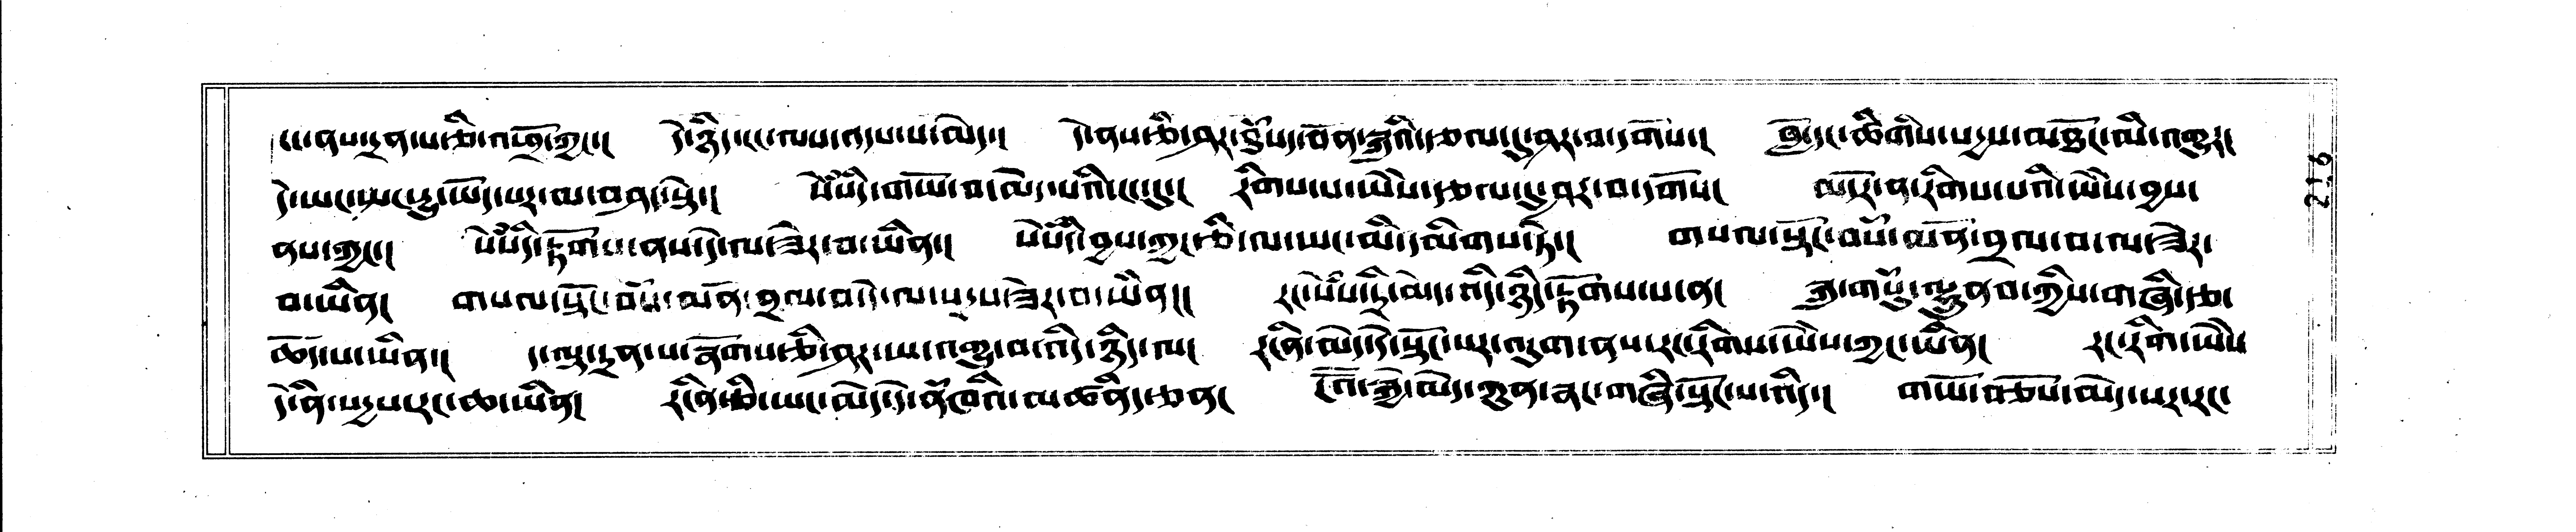ངང་ནས་དྲན་པ་ཅི་འཕྲོས་ཀྱང་དེ་ཉིད་ངང་ལས་འདས་པ་སྟེ། དེ་ན་ཅི་བྱུང་ཐམས་ཅད་བོན་སྐུའི་རྩལ་ཤར་བར་གྱིས། “བློ་དང་ཚིག་གིས་སངས་རྒྱས་མཐོང་མི་འགྱུར། 
དེ་ཡང་སྤང་རྒྱུ་ཡོད་པར་མ་བཤད་དེ། སེམས་ཉིད་གཡོ་བ་མེད་པའི་ངང་དུ། རིགས་༼རིག༽པ་ཡེ་ཤེས་རྩལ་དུ་ཤར་བ་དགོས། མདོར་ན་རིགས་༼རིག༽པའི་ཡེ་ཤེས་བྱས་
ནས་ཀྱང་། སེམས་ཉིད་རྟོགས་ནས་དེ་ལ་ཟེར་བ་ཡིན། སེམས་ཉིད་བྱས་ཀྱང་ཅི་ལ་ཡང་མི་དམིགས་ཏེ། གསལ་སྟོང་བསམ་མནོ་བྲལ་བ་ལ་ཟེར་
བ་ཡིན། གསལ་སྟོང་བསམ་མནོ་བྲལ་བ་དེ་ལ་སངས་རྒྱས་ཟེར་བ་ཡིན། རང་སེམས་དྲི་མེད་འདི་ཉིད་རྟོགས་པ་ན། སྐུ་གསུམ་ལྷུན་གྲུབ་ཀྱིས་གཞི་རྩ་
ཆོད་པ་ཡིན། ད་ལྟ་དྲན་པ་སྣ་ཚོགས་ཅི་ཤར་ཡ་འགྱུ་བ་འདི་ཉིད་ལ། རང་བཞིན་མེད་དེ་སྟོང་པར་འདུག་ནས་རང་རིགས་༼རིག༽ཡེ་ཤེས་ཀྱང་ཡིན། རང་རིག་ཡེ་ཤེས་
དེ་ནི་སངས་རྒྱས་རང་ཆ་ཡིན། རང་བཞིན་ཅི་ཡང་མེད་དེ་ནམ་མཁའི་མཚན་ཉིད་ཅན། ངོའོ་སྐྱེ་མེད་ཀུན་སྣང་གཞི་སྟོང་པ་འདི། གཡོ་བཅོས་མེད་པར་རང་